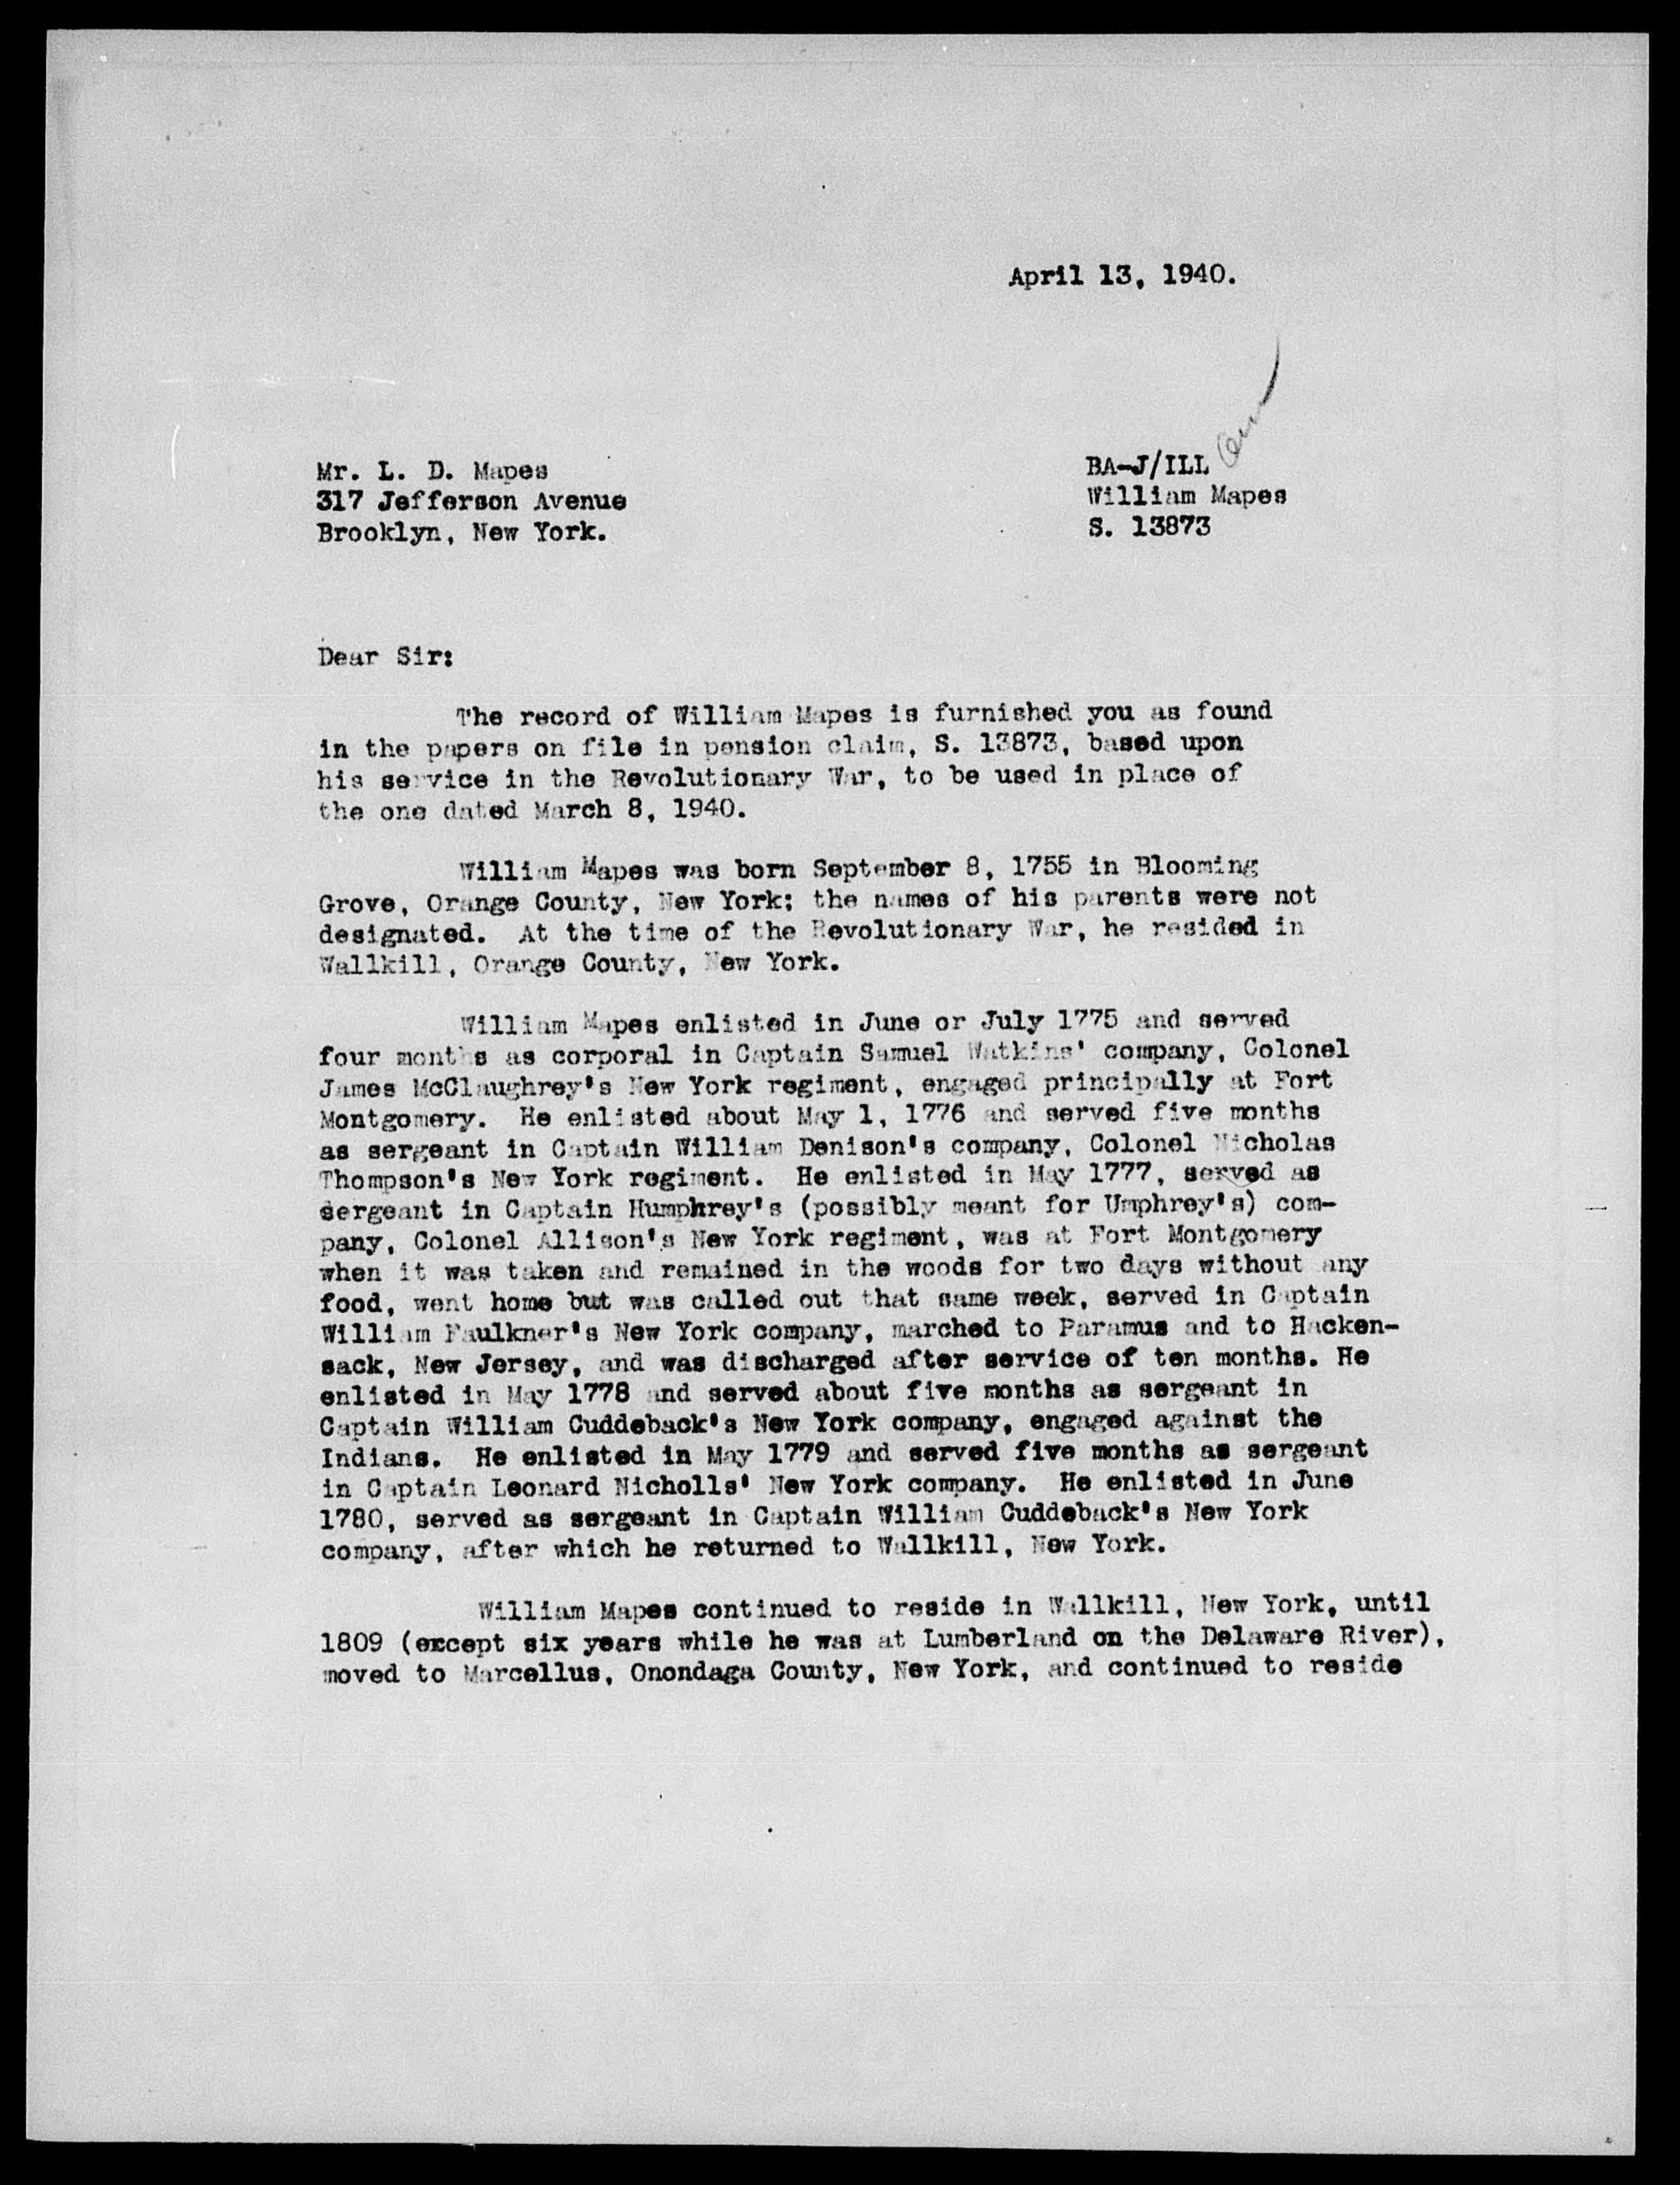April 13, 1940.

BA-J/ILL 
William Mapes 
S. 13873 

Mr. L. D. Mapes 
317 Jefferson Avenue 
Brooklyn, New York. 

Dear Sir:  

The record of William Mapes is furnished you as found in the papers on file in pension claim, 
S. 13873, based upon his service in the Revolutionary War, to be used in place of the one dated March 8, 1940.

William Mapes was born September 8, 1755 in Blooming Grove, Orange County, New York; the names of his parents were not designated. At the time of the Revolutionary War, he resided in Wallkill, Orange County, New York. 

William Mapes enlisted in June or July 1775 and served four months as corporal in Captain Samuel Watkins' company, Colonel James McClaughrey's New York regiment, engaged principally at Fort Montgomery. He enlisted about May 1, 1776 and served five months as sergeant in Captain William Denison's company, Colonel Nicholas Thompson's New York regiment. He enlisted in May 1777, served as Sergeant in Captain Humphrey's (possibly meant for Umphrey's) company, Colonel Allison's New York regiment, was at Fort Montgomery when it was taken and remained in the woods for two days without any food, went home but was called out that same week, served in Captain William Faulkner's New York company, marched to Paramus and to Hackensack , New Jersey, and was discharged after service of ten months. He enlisted in May 1778 and served about five months as sergeant in Captain William Cuddeback's New York company, engaged against the Indians. He enlisted in May 1779 and served five months as sergeant in Captain Leonard Nicholls' New York company. He enlisted in June 1780, served as sergeant in Captain William Cuddeback's New York company, after which he returned to Wallkill, New York. 

William Mapes continued to reside in Wallkill, New York, until 1809 (except six years while he was at Lumberland on the Delaware River), moved to Marcellus, Onondaga County, New York, and continued to reside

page: 20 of 30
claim: survivor's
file: S. 13,873, for William Mapes, New York